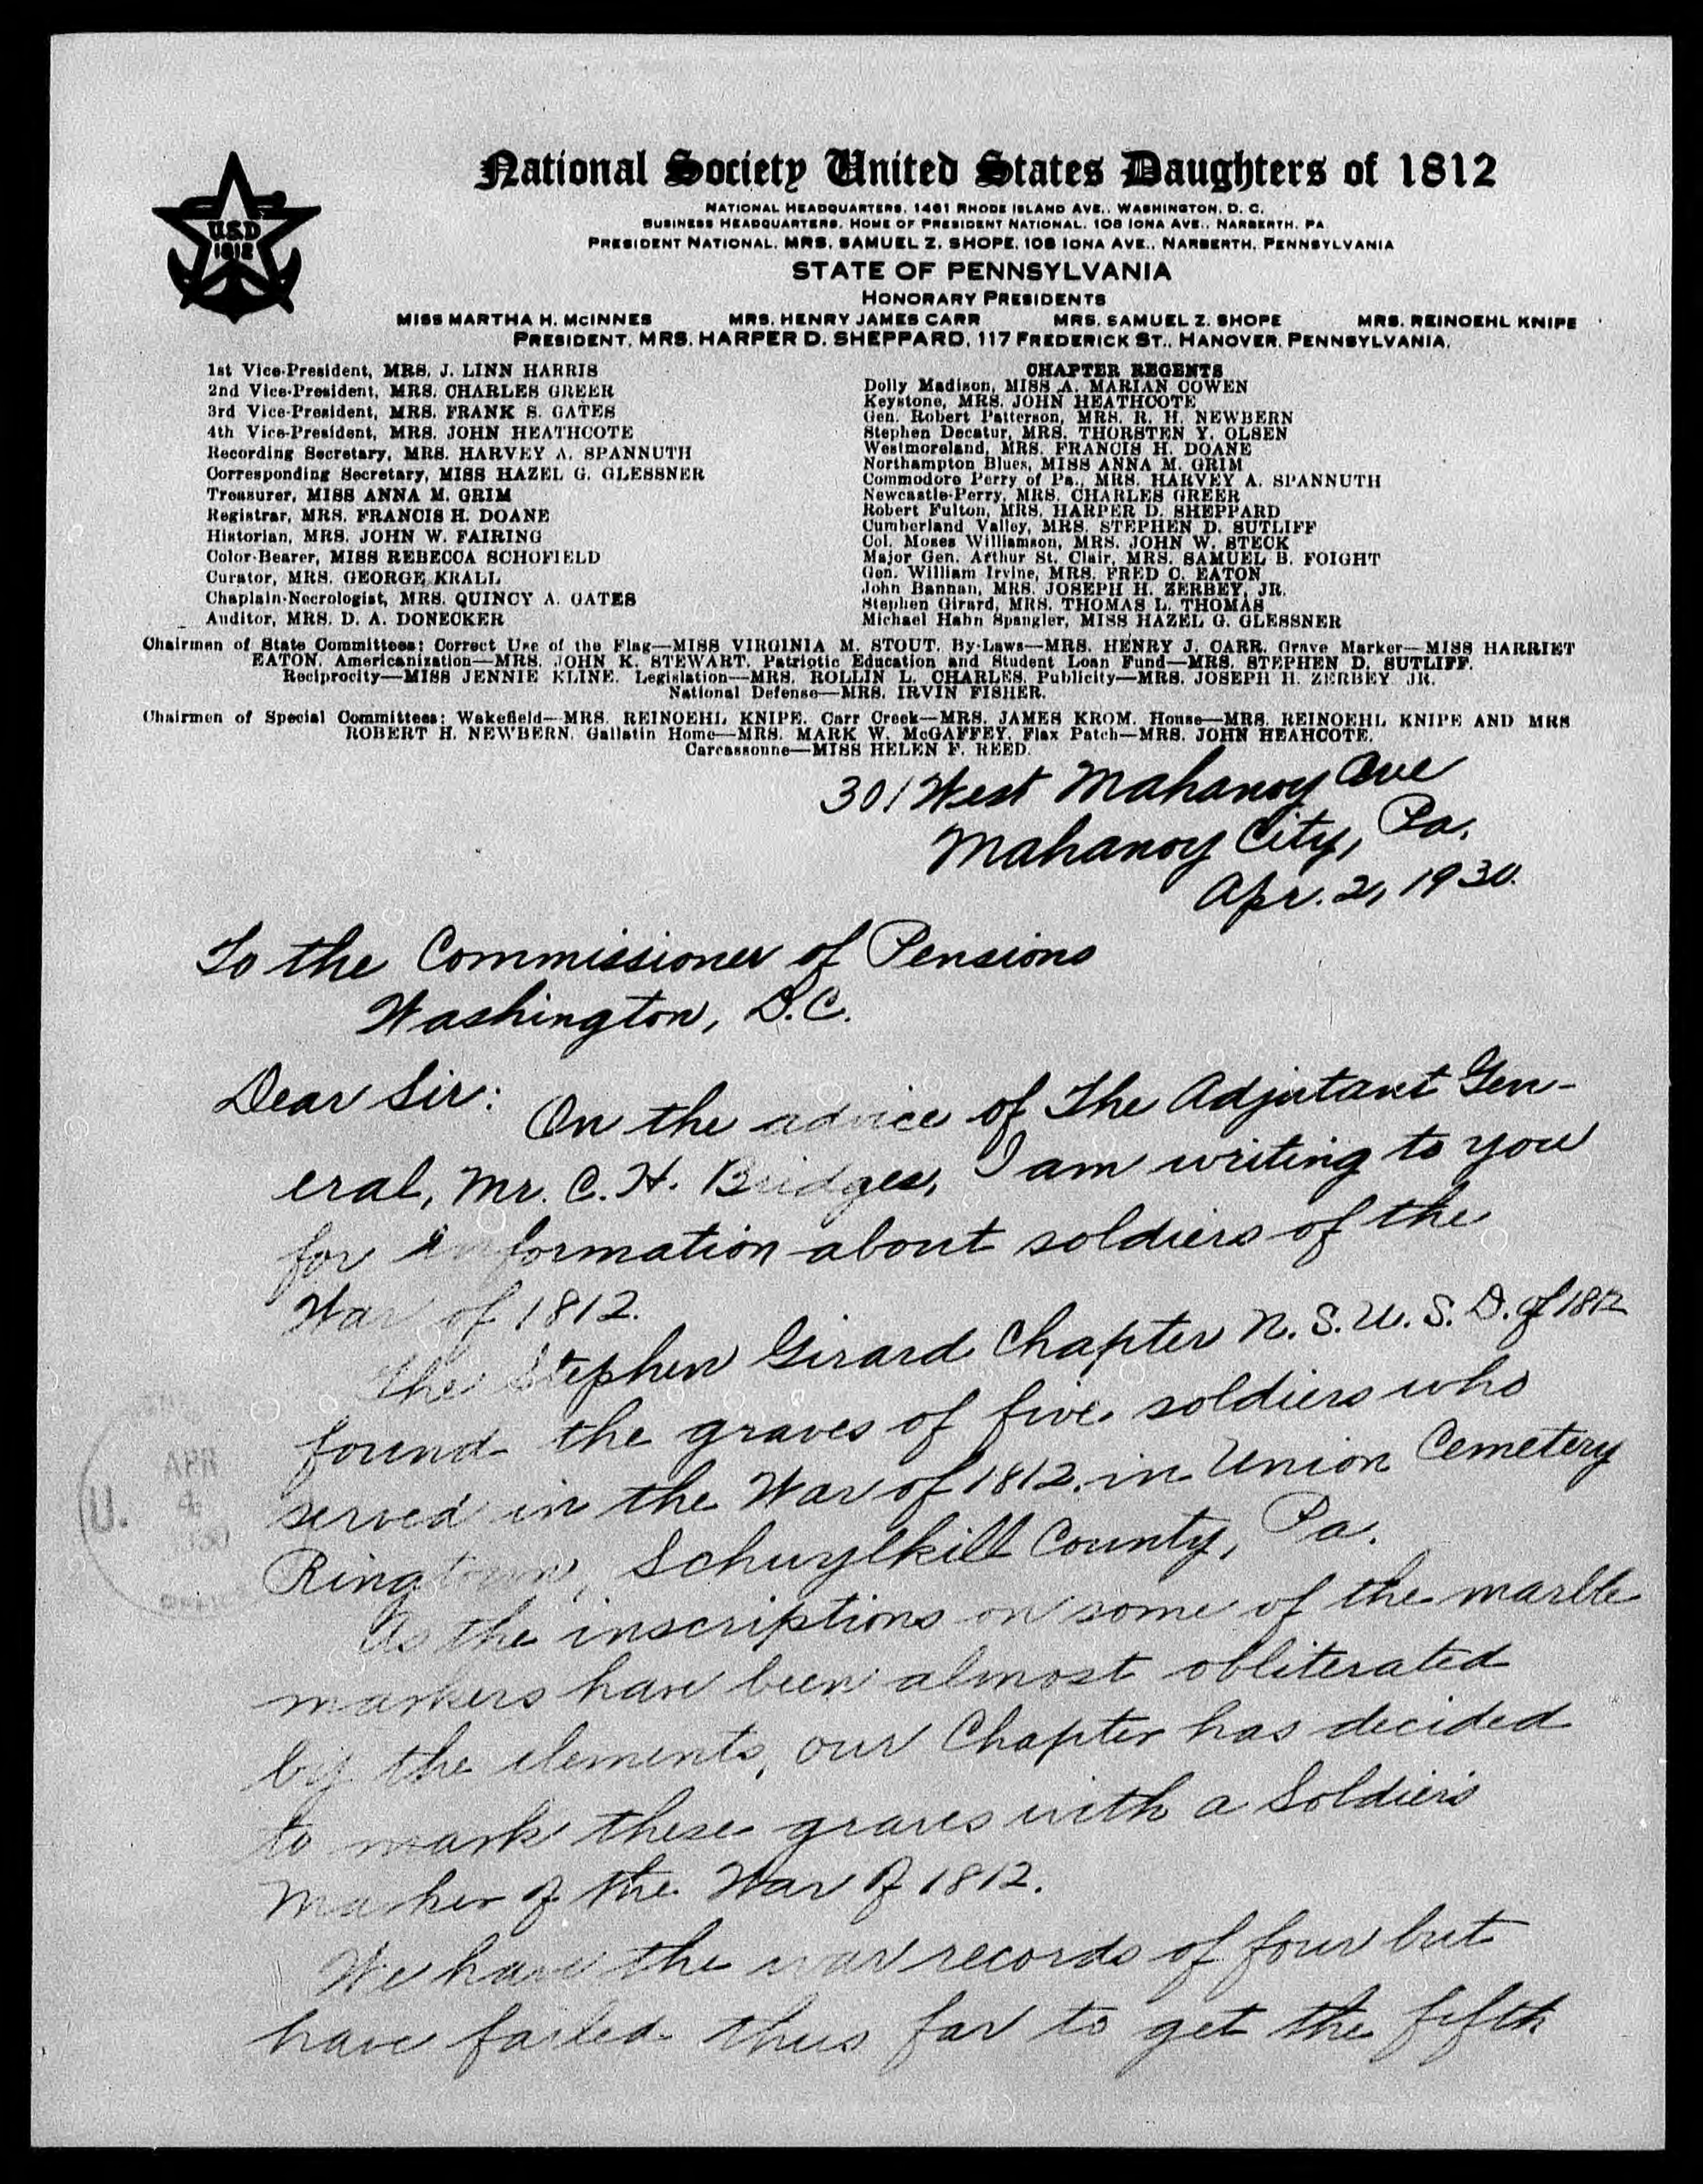U.S.D.
1812
[inside a 5 pointed star/anchor symbol]

National Society United States Daughters of 1812
NATIONAL HEADQUARTERS, 1461 RHODE ISLAND AVE., WASHINGTON, D.C.
BUSINESS HEADQUARTERS, HOME OF PRESIDENT NATIONAL, 105 IONA AVE., NARBERTH, PA.
PRESIDENT NATIONAL, MRS. SAMUEL Z. SHOPE, IO5 IONA AVE., NARBERTH, PENNSYLVANIA
STATE OF PENNSYLVANIA
HONORARY PRESIDENTS

MISS MARTHA H. McINNES
MRS. HENRY JAMES CARR
MRS SAMUEL Z. SHOPE
MRS. REINOEHL KNIPE
PRESIDENT, MRS. HARPER D. SHEPPART, 117 FREDERICK ST., HANOVER, PENNSYLVANIA.

|1st Vice-President, MRS. J. LINN HARRIS
2nd Vice-President, MRS. CHARLES GREER
3rd Vice-President, MRS. FRANK S. GATES
4th Vice-President, MRS. JOHN HEATHCOTE
Recording Secretary, MRS. HARVEY A. SPANNUTH
Corresponding Secretary, MISS HAZEL G. GLESSNER
Treasurer, MISS ANNA M. GRIM
Registrar, MRS. FRANCIS H. DOANE
Historian, MRS. JOHN W. FAIRING
Color-Bearer, MISS REBECCA SCHOFIELD
Curator, MRS. GEORGE KRALL
Chaplain-Necrologist, MRS. QUINCY A. GATES
Auditor, MRS. D.A. DONECKER|

|CHAPTER REGENTS
Dolly Madison, MISS A. MARIAN COWEN
Keystone, MRS. JOHN HEATHCOTE
Gen. Robert Patterson, MRS. R. H. NEWBERN
Stephen Decatur, MRS. THORSTEN Y. OLSEN
Westmoreland, MRS. FRANCIS H. DOANE
Northampton Blues, MISS ANNA M. GRIM
Commodore Perry of PA., MRS. HARVEY A. SPANNUTH
Newcastle-Perry, MRS. CHARLES GREER
Robert Fulton, MRS. HARPER D. SHEPPARD
Cumberland Valley, MRS. STEPHEN D. SUTLIFF
Col. Moses Williamson, MRS. JOHN W. STECK
Major Gen. Arthur St. Clair, MRS. SAMUEL B. FOIGHT
Gen. William Irvine, MRS. FRED C. EATON
John Bannan, MRS. JOSEPH H. ZERBEY, JR.
Stephen Girard, MRS. THOMAS L. THOMAS
Michael Hahn Spangler, MISS HAZEL G. GLESSNER|

Chairmen of State Committees:  Correct Use of the Flag - MISS VIRGINIA M. STOUT, By-Laws - MRS. HENRY J. CARR, Grave Marker - MISS HARRIET EATON, Americanization - MRS. JOHN K. STEWART, Patriotic Education and Student Loan Fund - MRS. STEPHEN D. SUTLIFF, Reciprocity - MISS JENNIE KLINE, Legislation - MRS. ROLLIN L. CHARLES, Publicity - MRS. JOSEPH H. ZERBEY JR. National Defense - MRS. IRVIN FISHER.
Chairmen of Special Committees:  Wakefield - MRS. REINOEHL KNIPE, Carr Creek - MRS. JAMES KROM, House - MRS. REINOEHL KNIPE AND MRS. ROBERT H. NEWBERN, Gallatin Home - MRS. MARK W. McGAFFEY, Flax Patch - MRS. JOHN HEAHCOTE, Carcassonne - MISS HELEN F. REED.

301 West Mahanoy Ave.
Mahanoy City, pa.
Apr. 2, 1930

To the Commissioner of Pensions
Washington, D.C.

Dear Sir:

On the advice of the Adjutant General, Mr. C. H. Bridges, I am writing to you for information about soldiers of the War of 1812.
The Stephen Girard Chapter N.S.U.S.D. of 1812 found the graves of five soldiers who served in the War of 1812, in Union Cemetery Ringtown, Schuylkill County, Pa.  
As the inscriptions on some of the marble markers have been almost obliterated by the elements, our Chapter has decided to mark these graves with a Soldier's Marker of the War of 1812.
We have the war records of four but have failed thus far to get the fifth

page: 14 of 17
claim: survivor's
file: S. 4499, for Peter Ladig, Pennsylvania